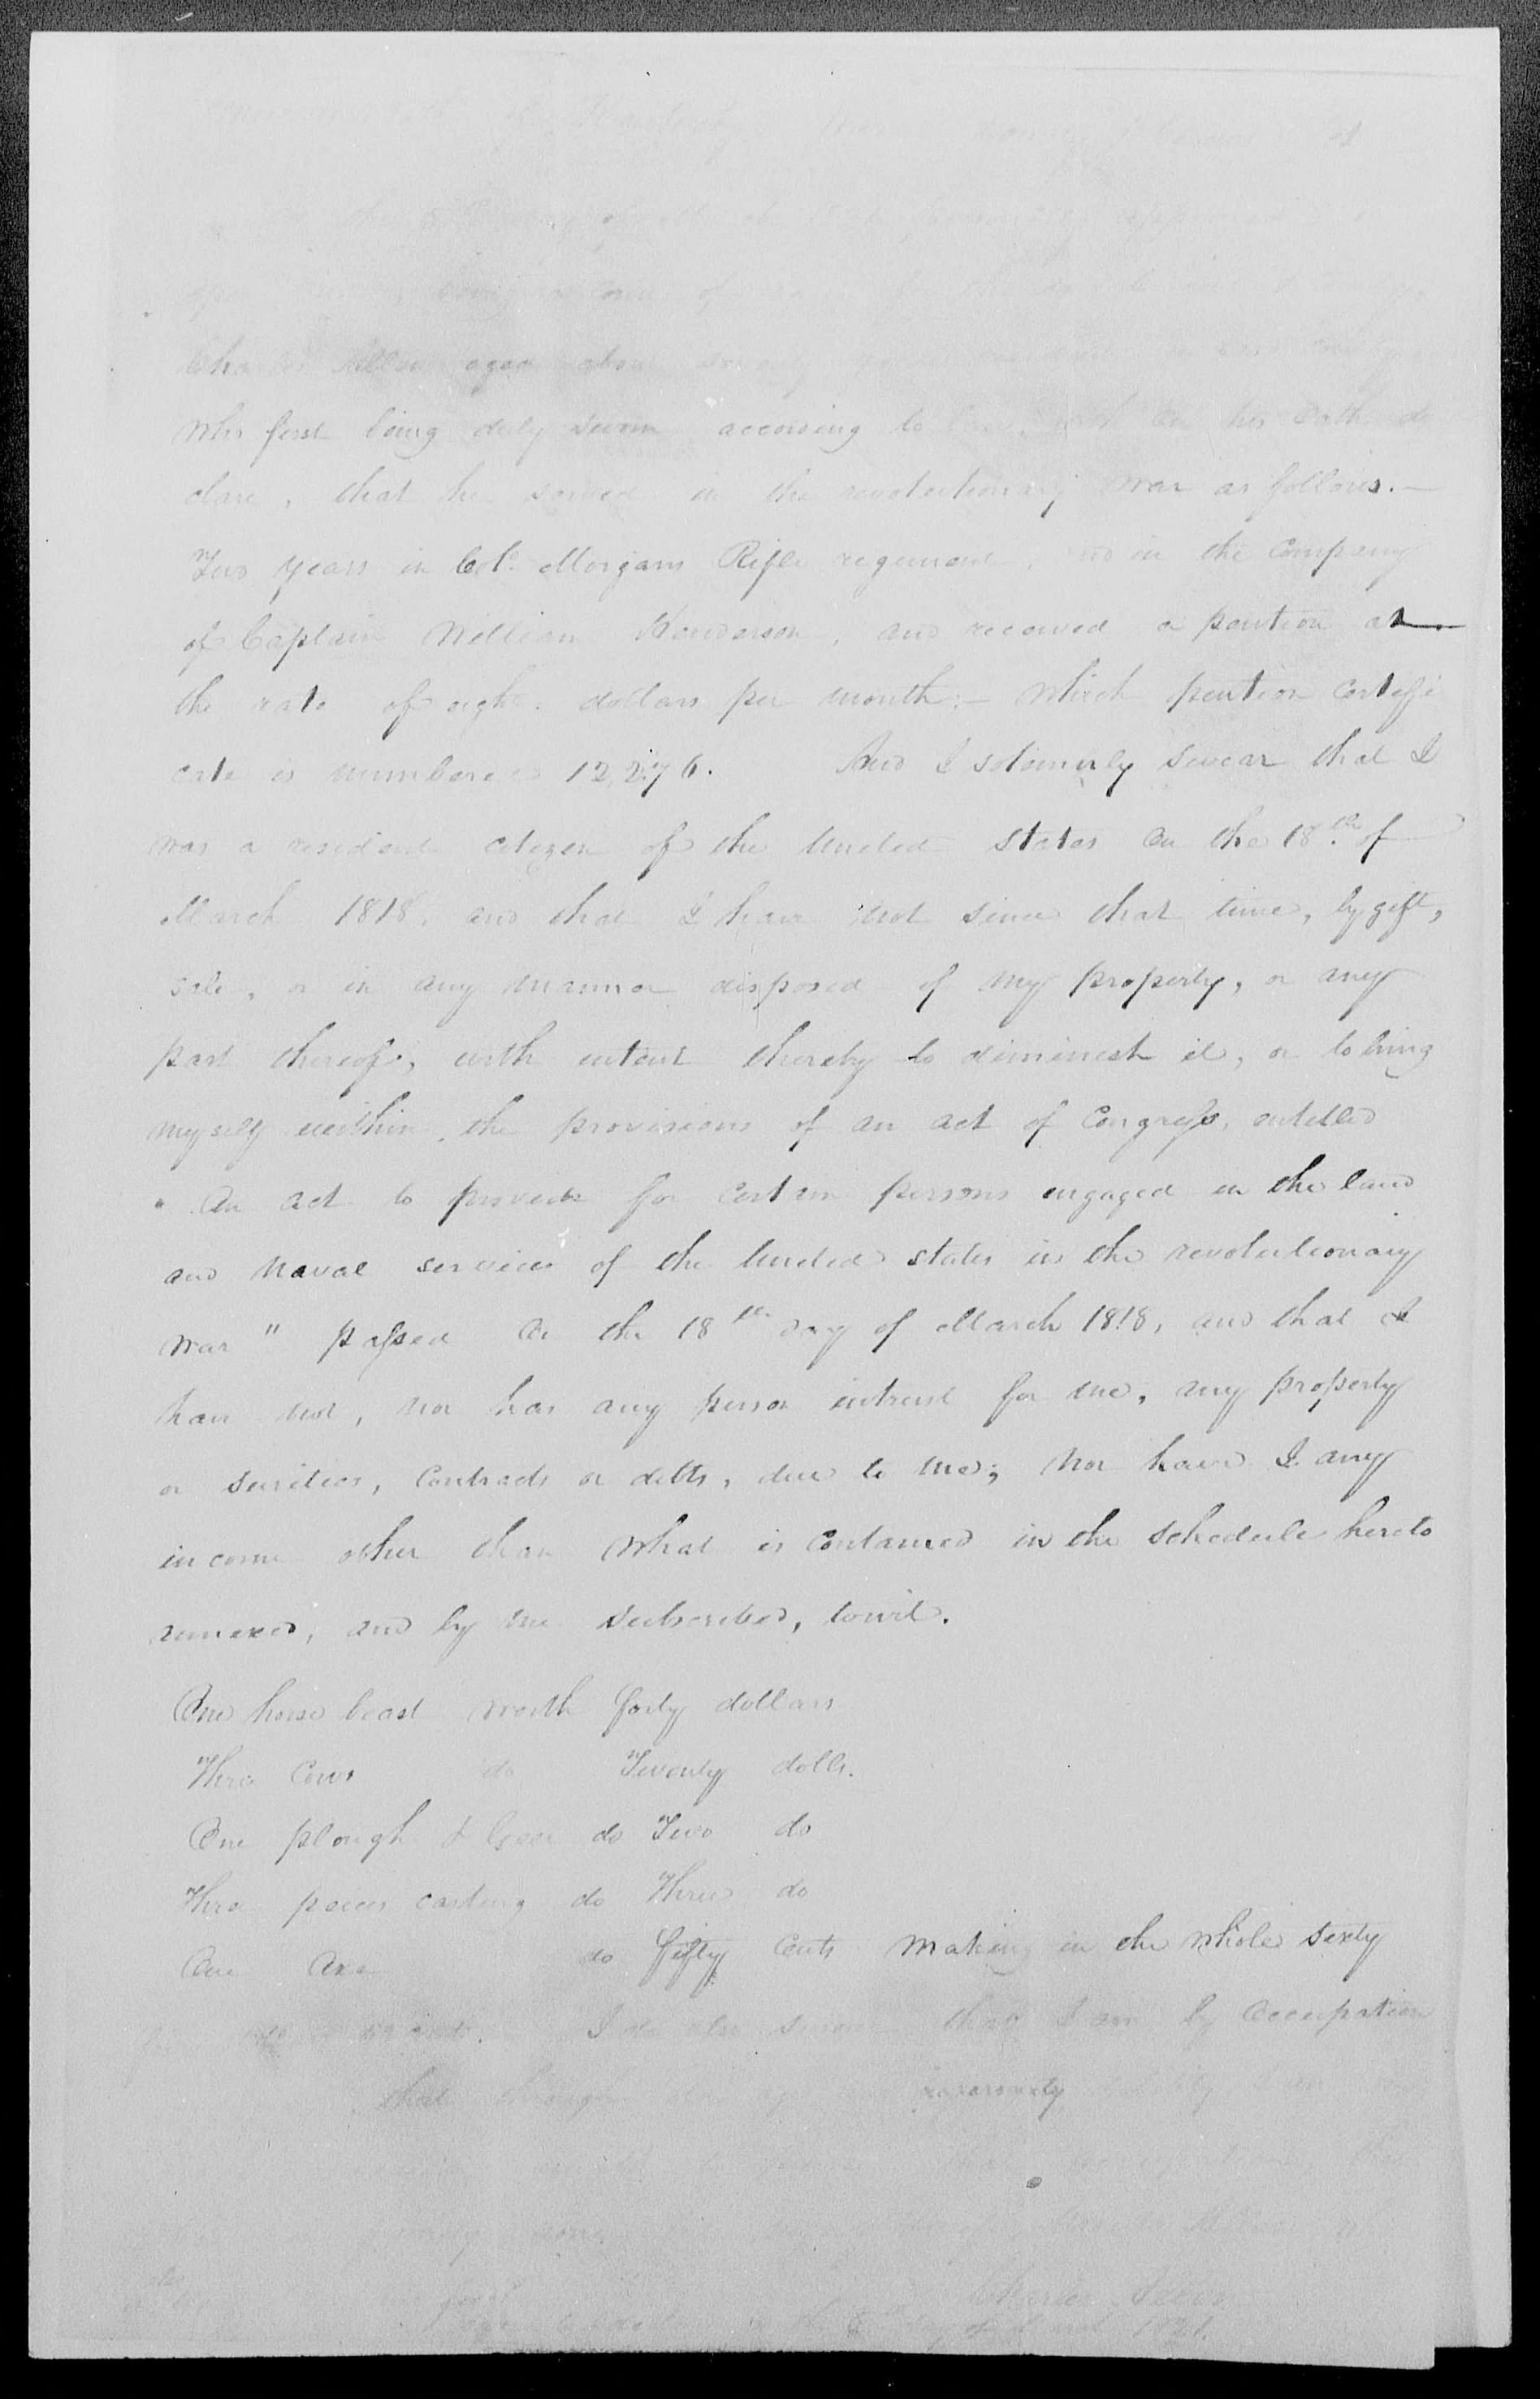State of Kentucky Warren County
[first few lines badly faded]
Charles Allen aged about seventy years [illegible]
who first being duly sworn according to law doth on his oath declare, that he served in the revolutionary war as follows. – Two years in Colo. Morgans Rifle regiment, and in the Company of Captain William Henderson, and received a pention at the rate of eight dollars per month: – which pention certificate is numberd 12,276. And I solemnly swear that I was a resident citizen of the United States on the 18th of March 1818. and that I have not since that time, by gift, sale, or in any manner disposed of my property, or any part thereof, with intent thereby to diminish it, or to bring myself within the provisions of an act of Congress, entitled "An act to provide for certain persons engaged in the land and Naval services of the United states in the revolutionary war" passed on the 18th day of March 1818, and that I have not, nor has any person intrust for me, any property or surities, contracts or debts, due to me; nor have I any income other than what is contained in the schedule hereto annexed, and by me subscribed, towit.
One horse beast worth forty dollars
Three cows do Twenty dolls.
One plough & Geer do Two do
Three peices casting do Three do
One Axe do fifty cents making in the whole sixty five dollars 50 cents. I do also swear that I am by Occupation [illegible], that through old age [several faded lines, mostly illegible] Charles Allen [illegible] day of March 1821.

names: William Henderson,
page: 10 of 22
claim: survivor's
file: S. 36399, Charles Allen, Va.